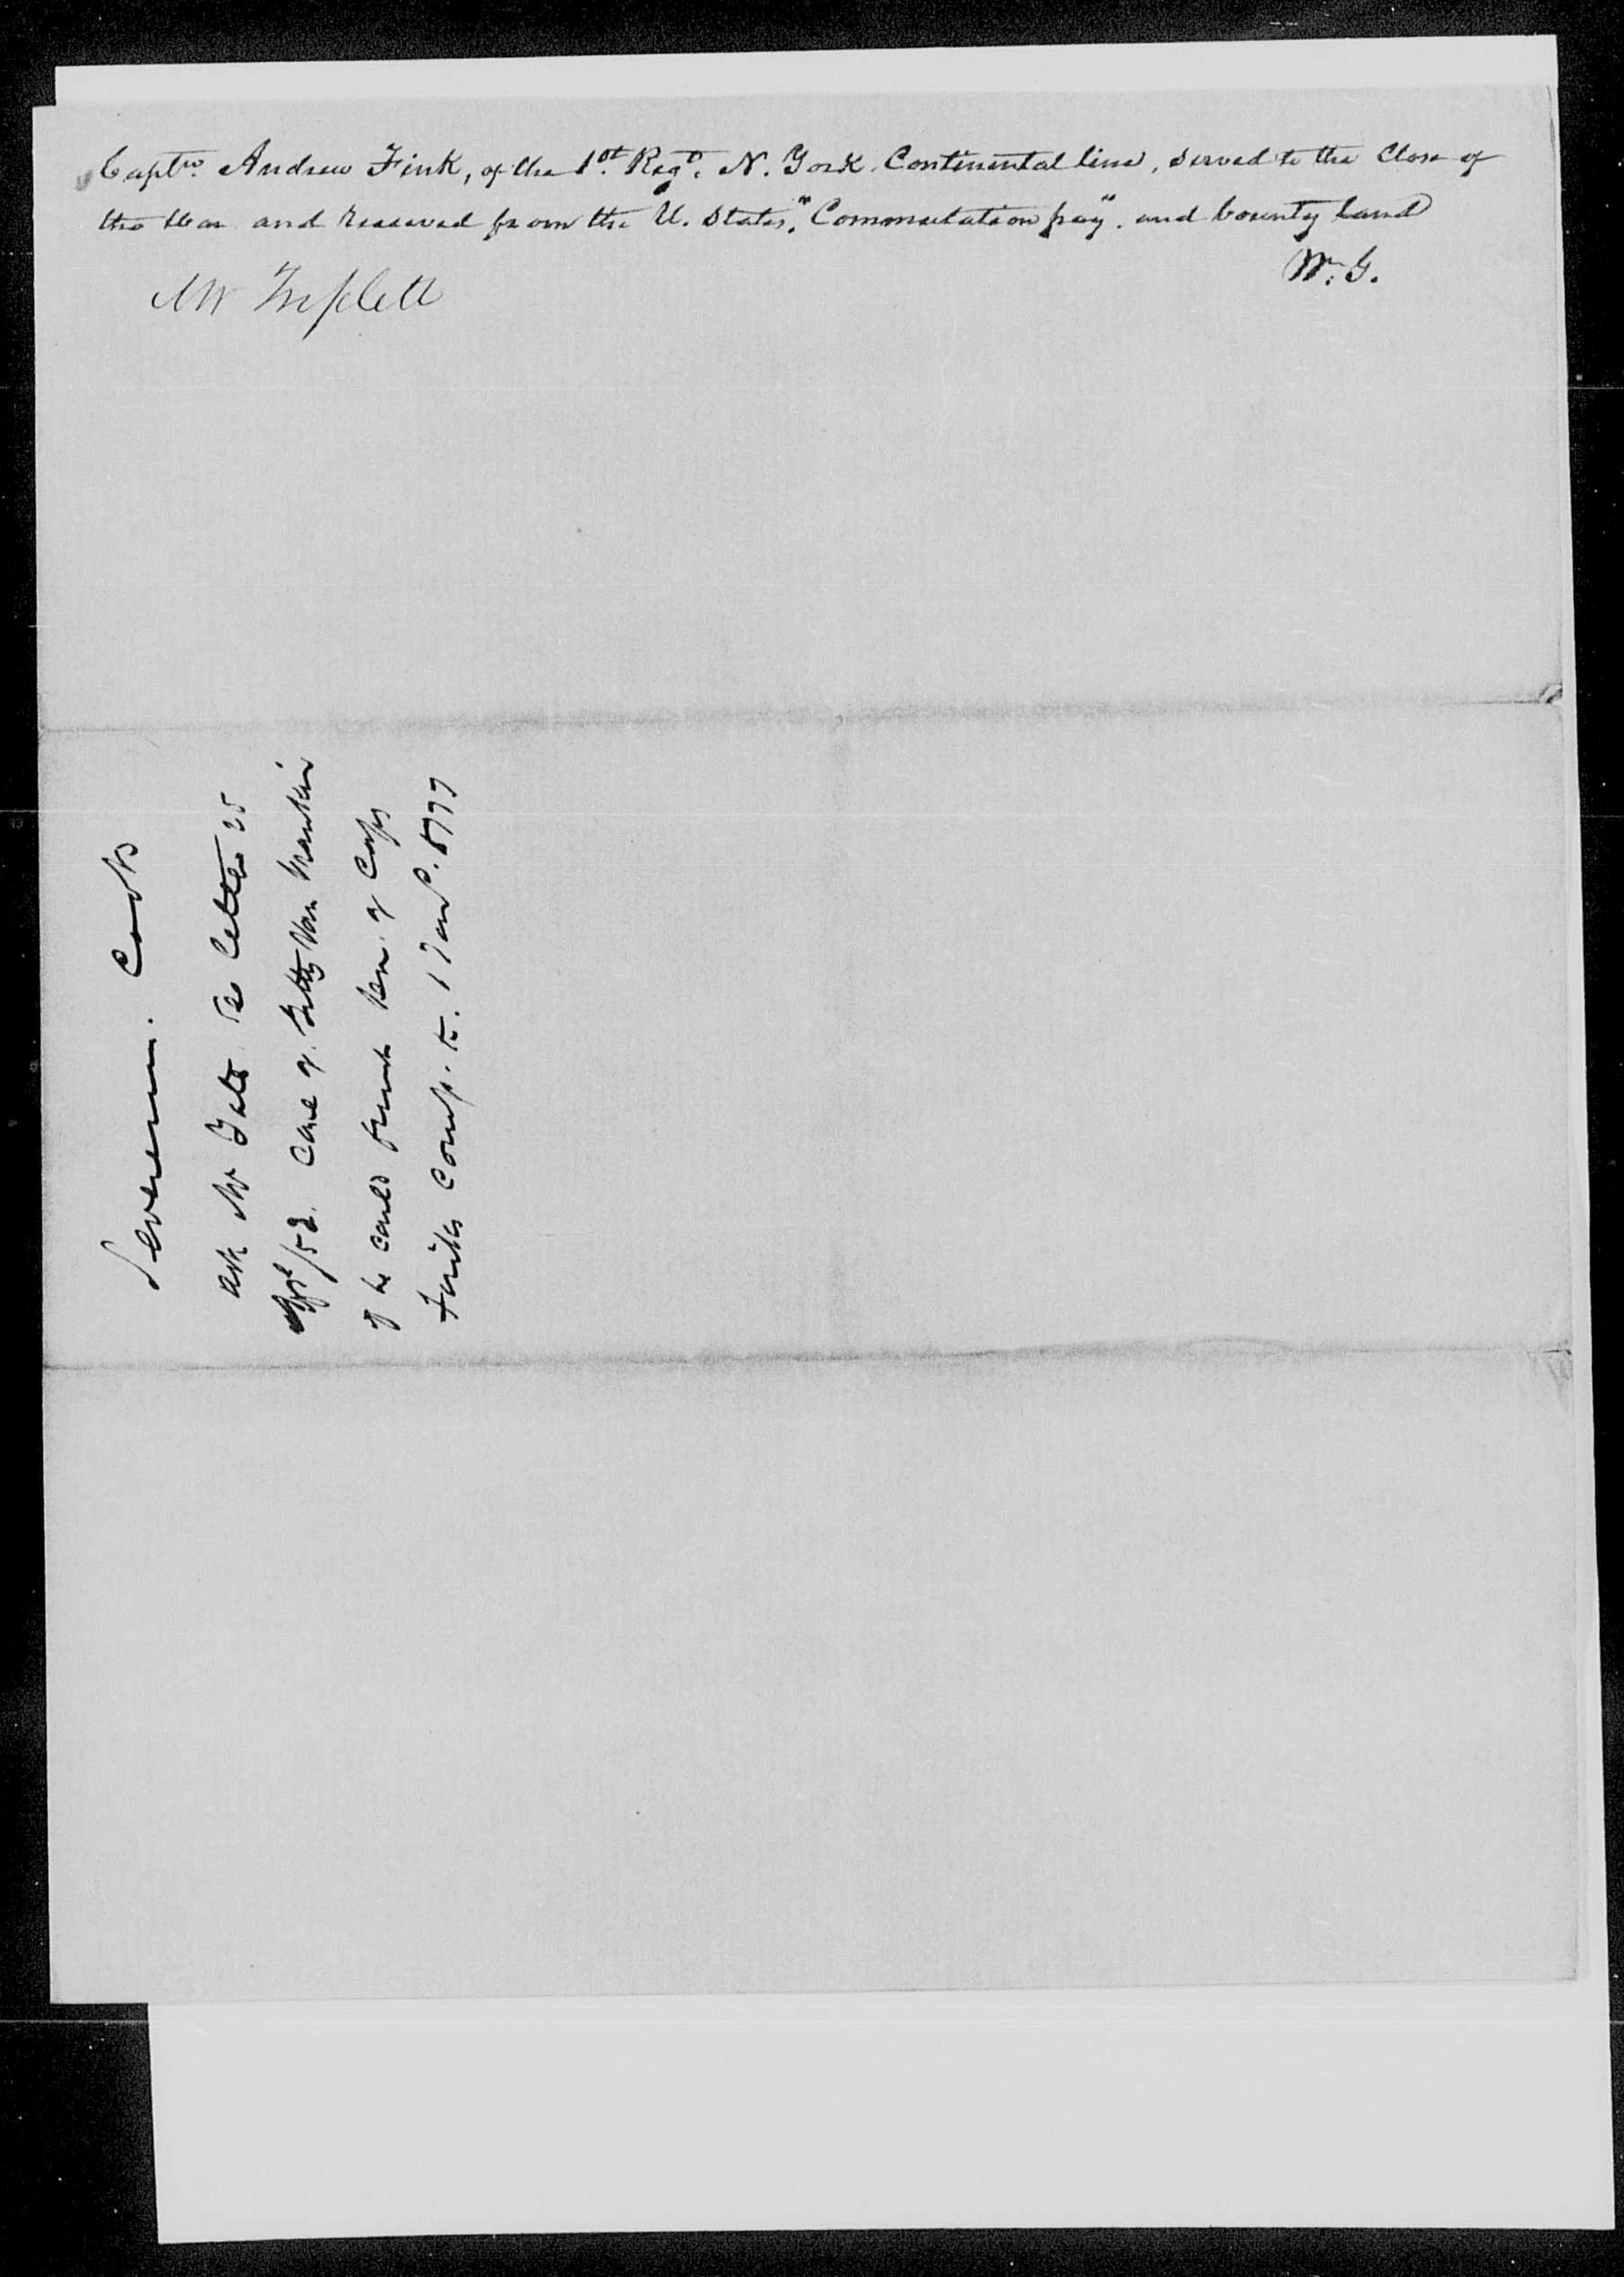Capt Andrew Fink, of the 1st Regt. N. York, Continental line, served to the Close of the War and received from the U. States, "Commutation pay" and bounty land
W. G.
Mr. Triplett

Severinus Cook
Ask Mr Yates re letter 25 Apr/52. Case of Getty Van Vranken if he could first [illegible] of Captn Finks comp to 1 Jany 1777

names: Andrew Fink, Severinus Cook, Gitty Van Vranken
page: 40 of 51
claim: survivor's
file: S. 12563, Severinus Cook, New York